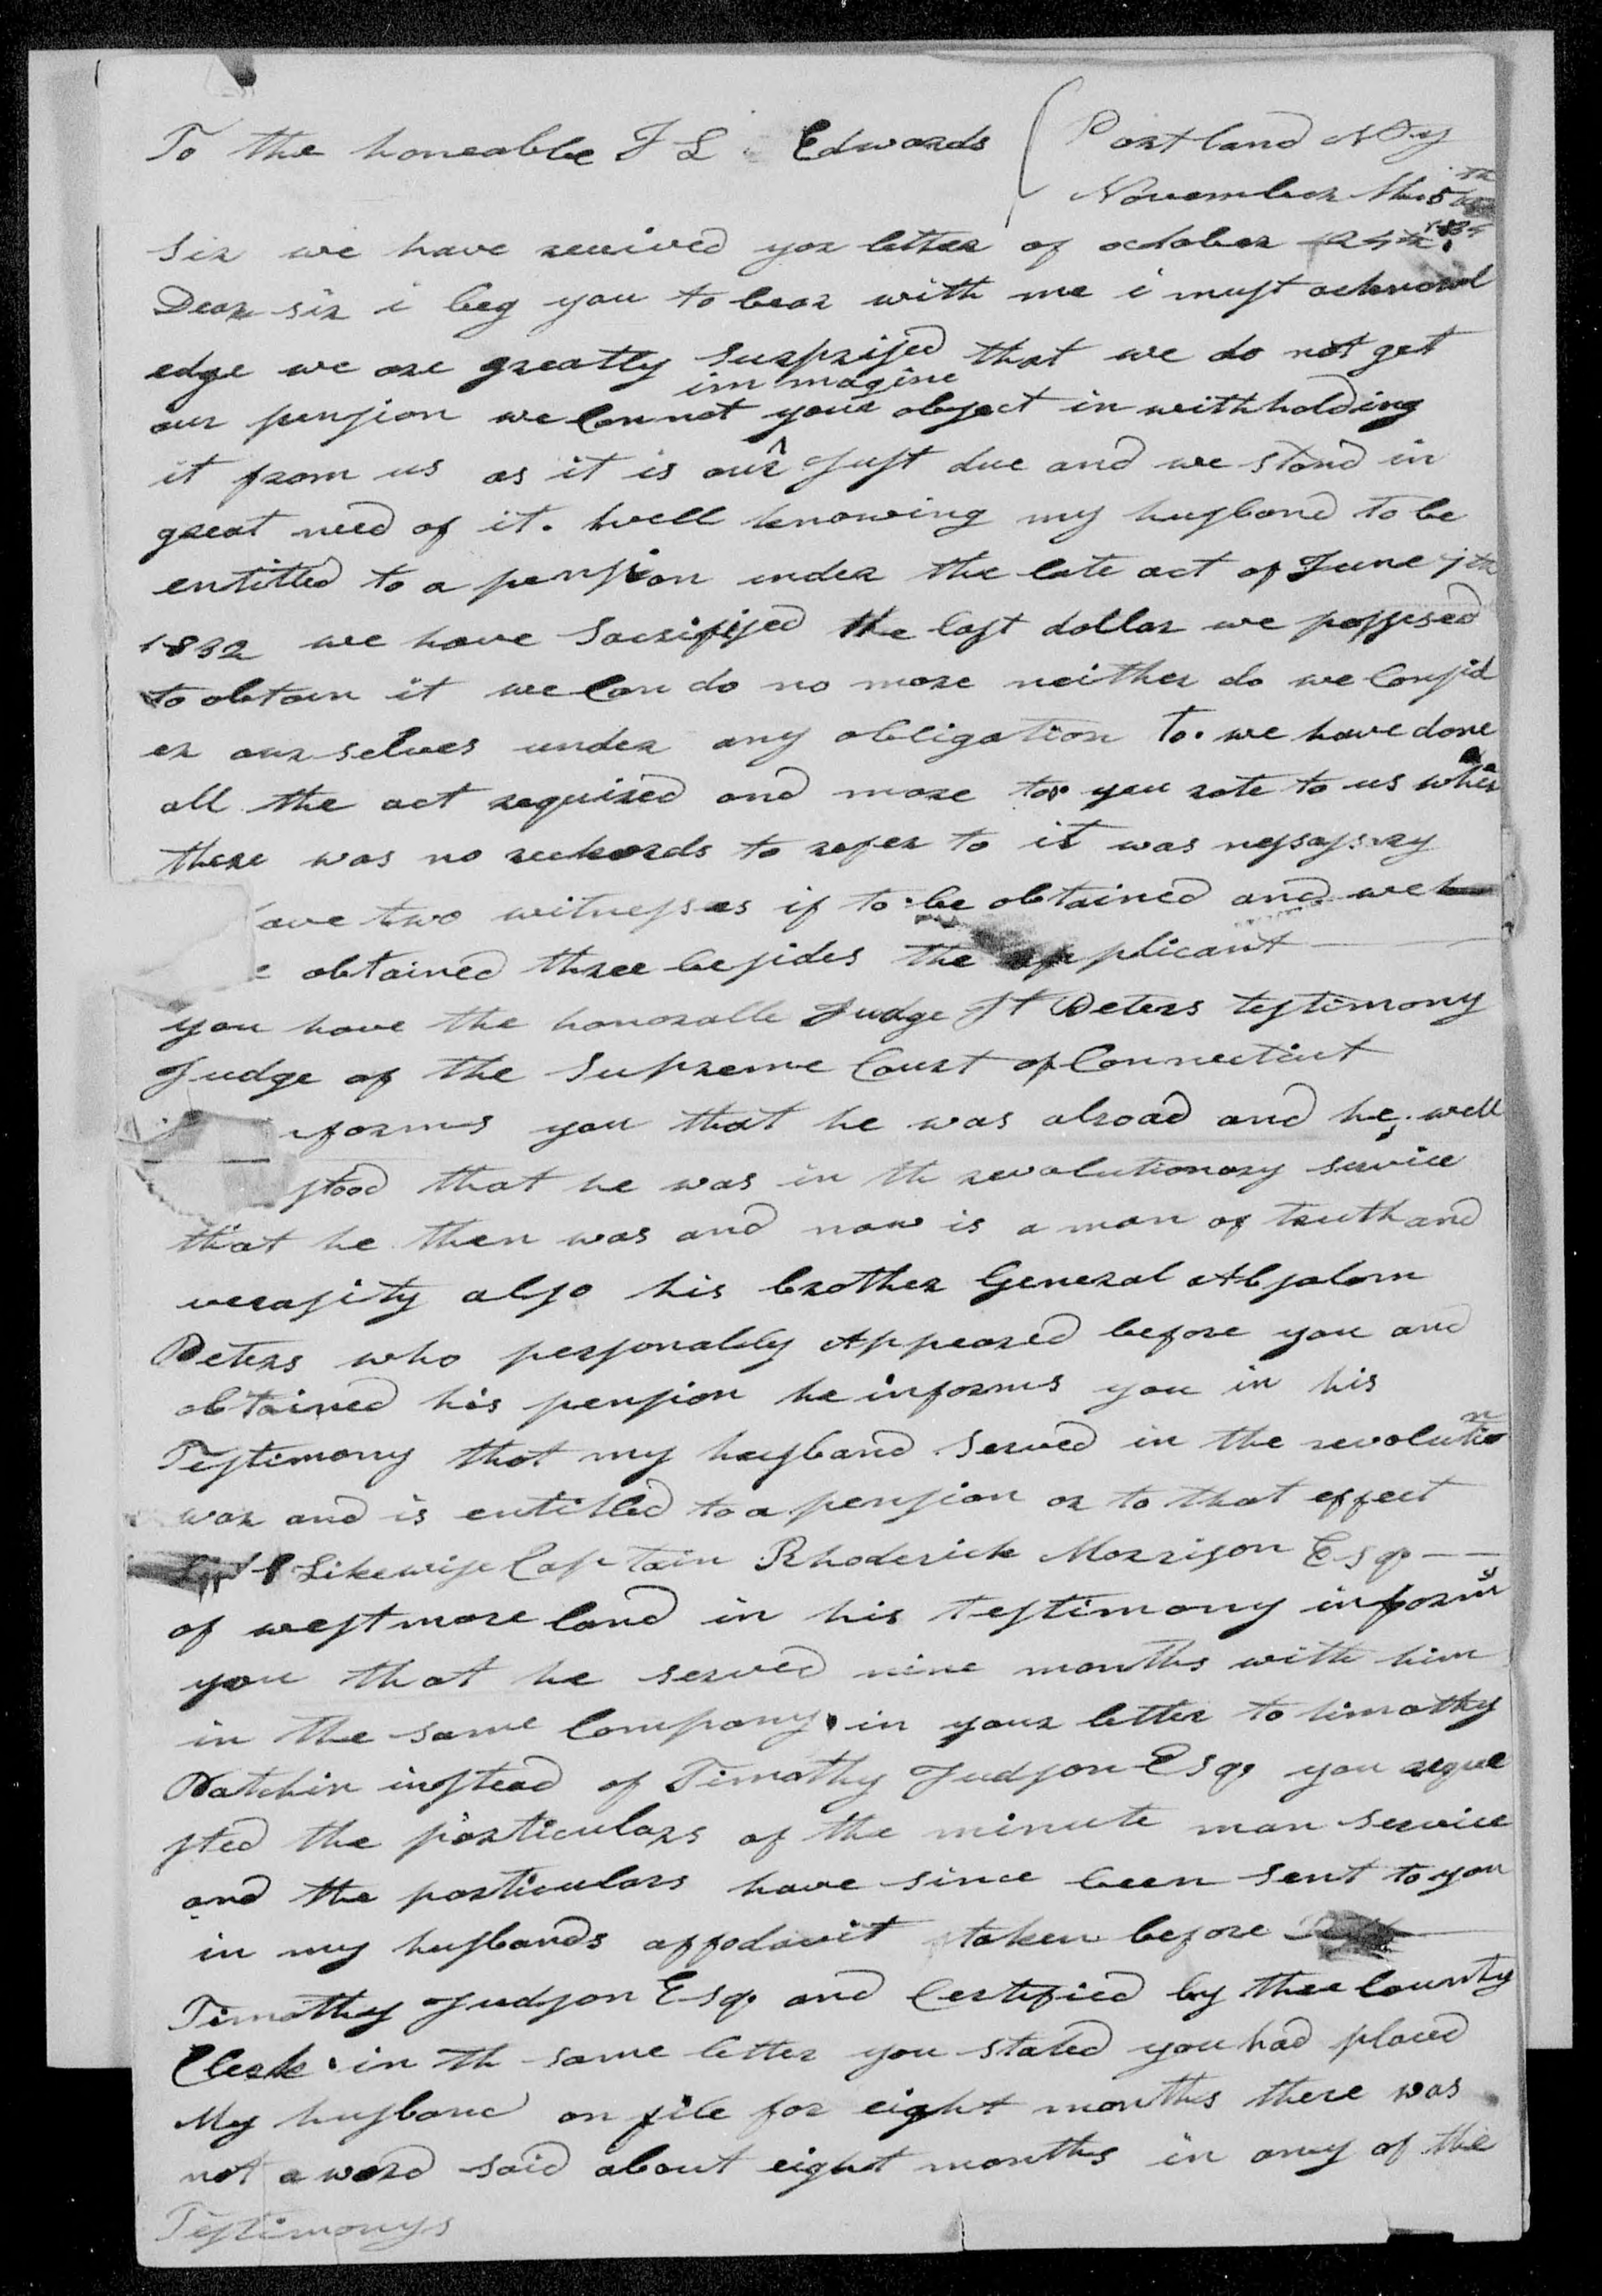Portland NY
November the 5th 1834
To the honorable J L Edwards 
Sir  we have received your letter of October 24th Dear sir I beg you to bear with me, I must acknowledge we are greatly surprised that we do not get our pension, we cannot imagine your object in withholding it from us as it is our just due and we stand in great need of it, well knowing my husband to be entitled to a pension under the late act of June 7th 1832, we have sacrificed the last dollar we possessed to obtain it, we can do no more neither do we consider ourselves under any obligation to we have done all the act required and more too you rate to us when there was no records to refer to it was necessary to have two witnesses  to be obtained and we obtained three besides the applicant.   
You have the honorable Judge J.P. Peters testimony Judge of the Supreme Court of Connecticut informs you that he was [unreadable] and he well understood that he was in the revolutionary service that he then was and now is a man of truth and veracity,  also his brother General Absalom Peters who personally appeared before you and obtained his pension he informs you in his Testimony that my husband served in the revolution was and is entitled to a pension or to that effect.  Likewise Captain Rhoderick Morrison Esq of Westmoreland in his testimony informed you that he served nine months with him in the same Company.  In your letter to Timothy Natchin instead of Timothy Judson Esq. you suggested the particulars of the minute man service and the particulars have since been sent to you in my husbands affidavit taken before Timothy Judson Esq and certified by the County Clerk. In the same letter you state you had placed My husband on file for eight months there was not a word said about eight months in any of the Testimonys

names: Timothy Judson; J L Edwards; Absalom Peters; Rhoderick Morrison; J P Peters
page: 20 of 73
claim: widow's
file: W. 2338, for Joseph P Peters, Connecticut